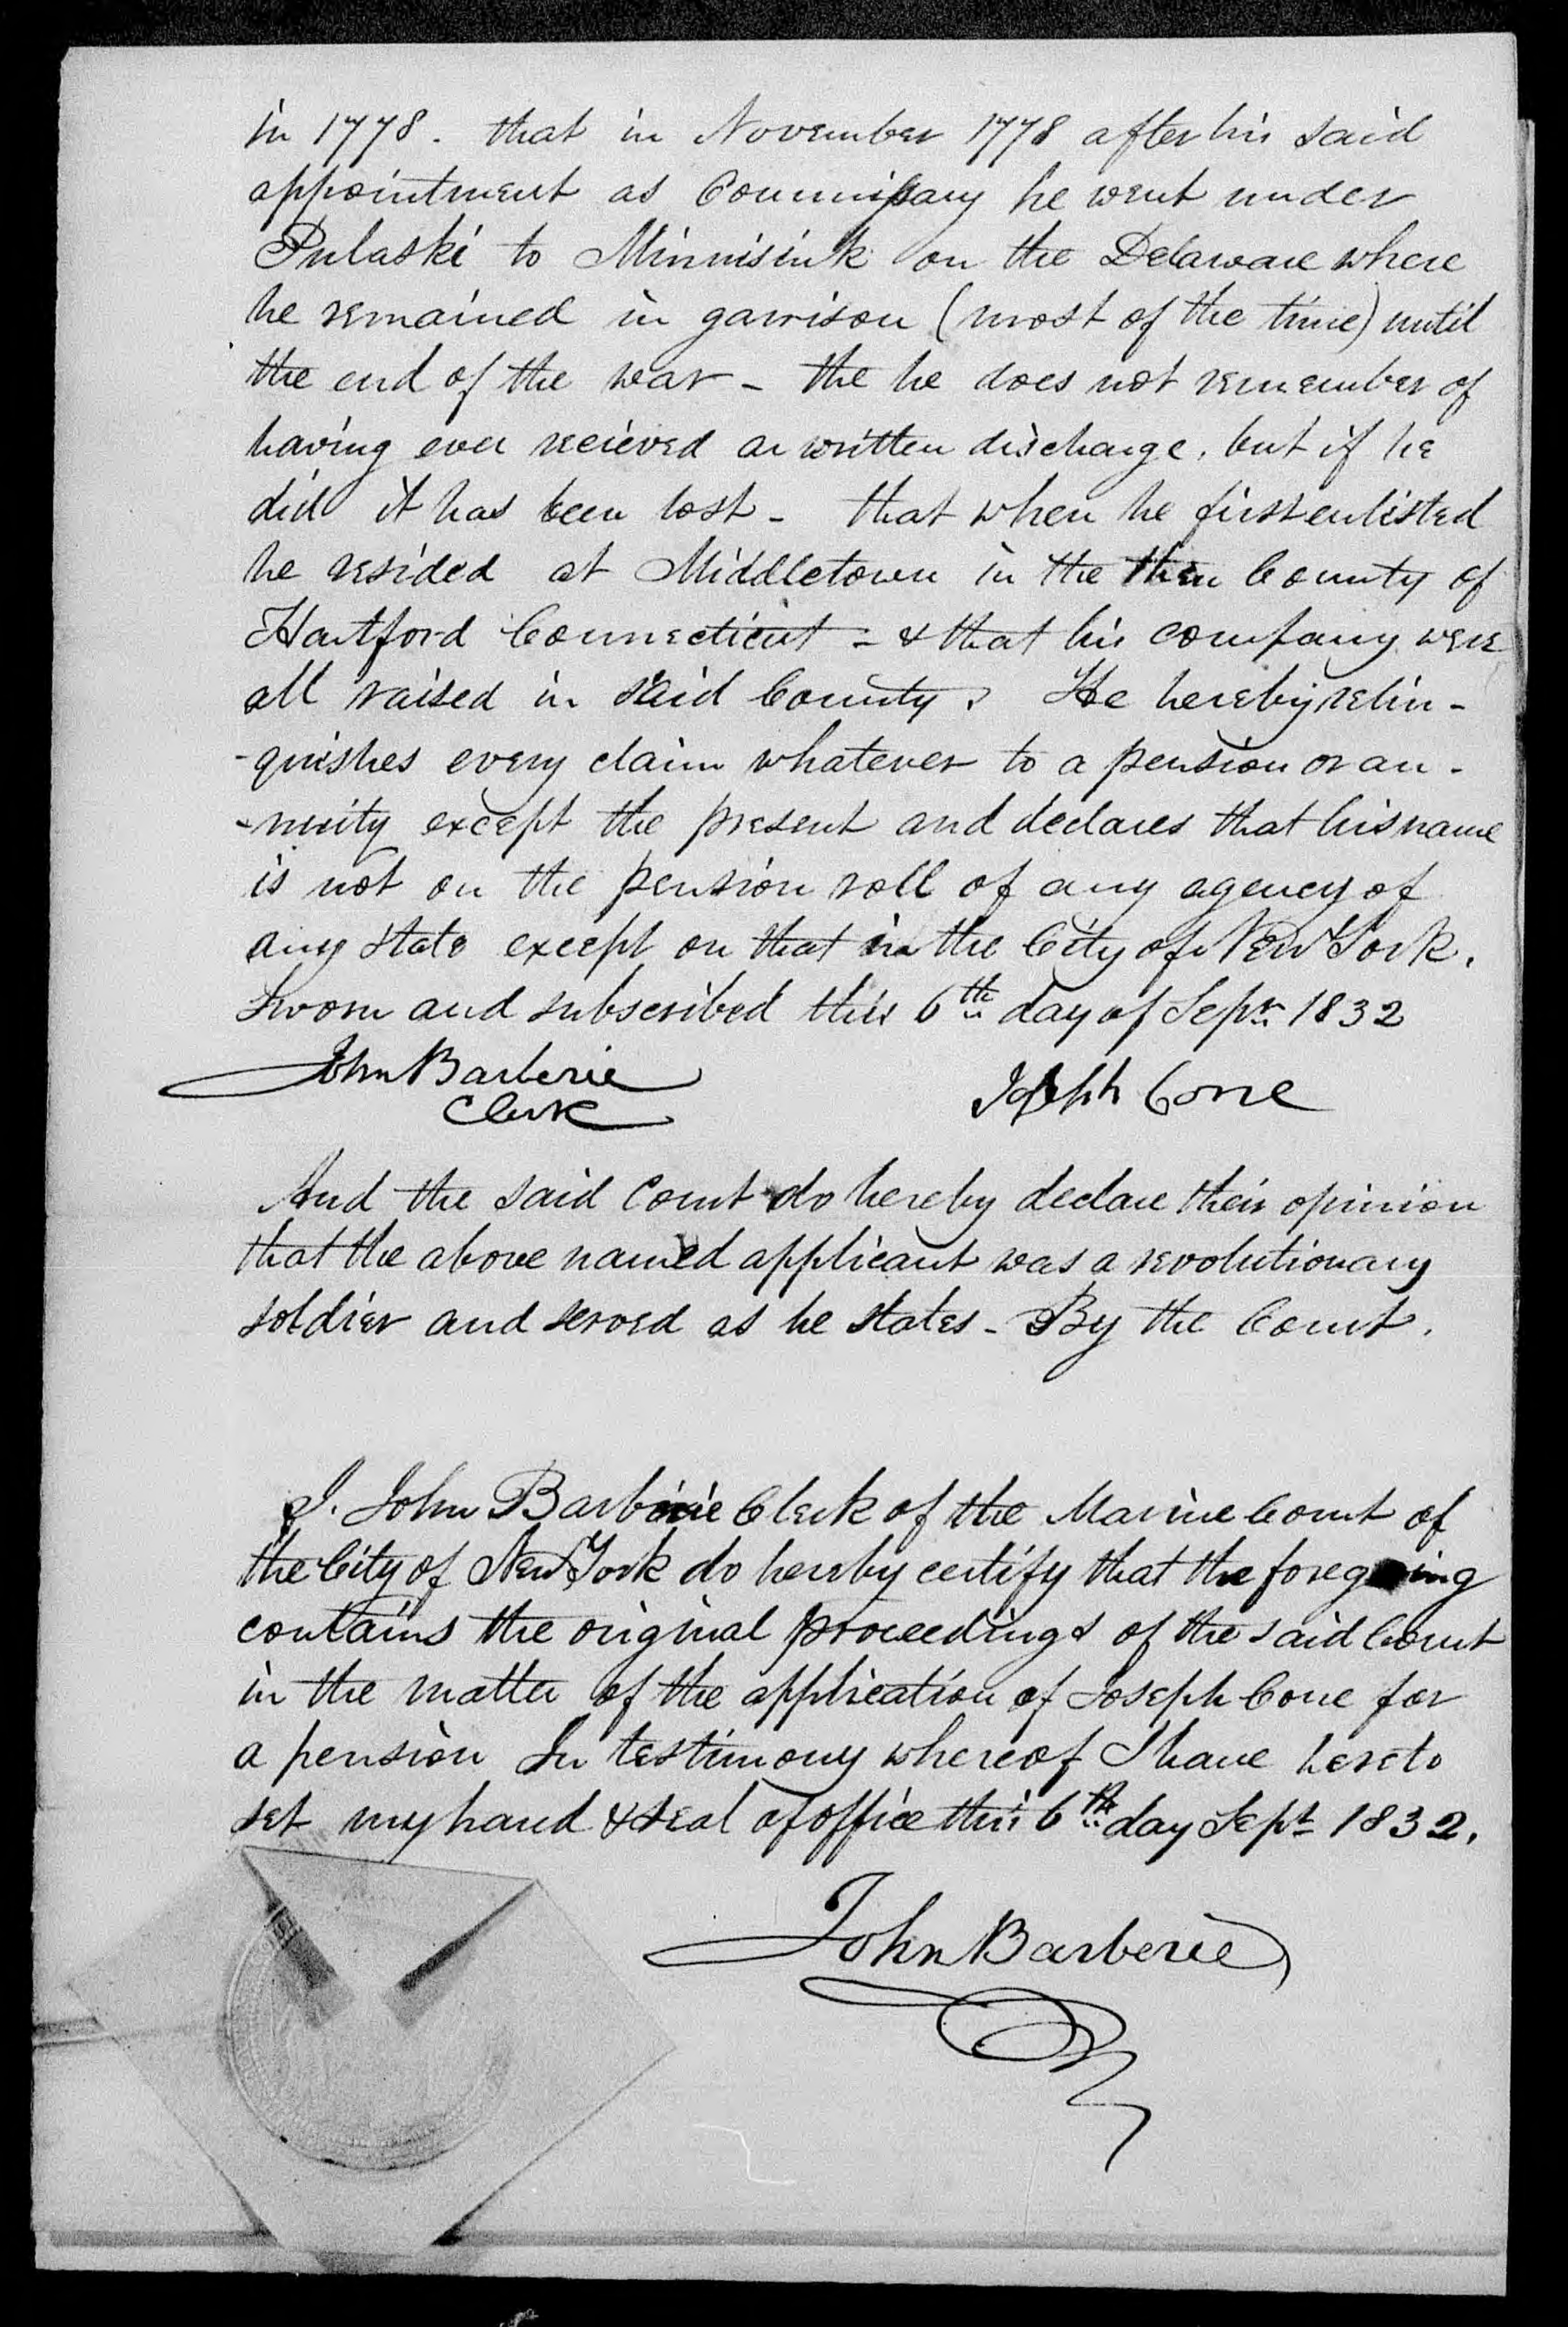in 1778. that in November 1778 after his said appointment as Commissary he went under Pulaski to Minnisink on the Delaware where he remained in garrison (most of the time) until the end of the war - the he does not remember of having ever received a written discharge, but if he did it has been lost. that when he first enlisted he resided at Middletown in the then County of Hartford Connecticut - & that his company were all raised in said County. He hereby relinquishes every claim whatever to a pension or annuity except the present and declares that his name is not on the pension roll of any agency of any state except on that in the City of New York. Sworn and subscribed this 6th day of Sepr. 1832
John Barberie  Joseph Cone
Clerk

And the said Court do hereby declare their opinion that the above named applicant was a revolutionary soldier and served as he states. By the Court.

I, John Barbarie Clerk of the Marine Court of the City of New York do hereby certify that the foregoing contains the original proceedings of the said Court in the matter of the application of Joseph Cone for a pension In testimony whereof I have hereto set my hand & seal of office this 6th day Sept. 1832.

John Barberie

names: Joseph Cone, John Barberie, John Barberie, John Barberie, Joseph Cone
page: 6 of 28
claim: survivor's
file: S. 12569, Joseph Cone, Conn Continental